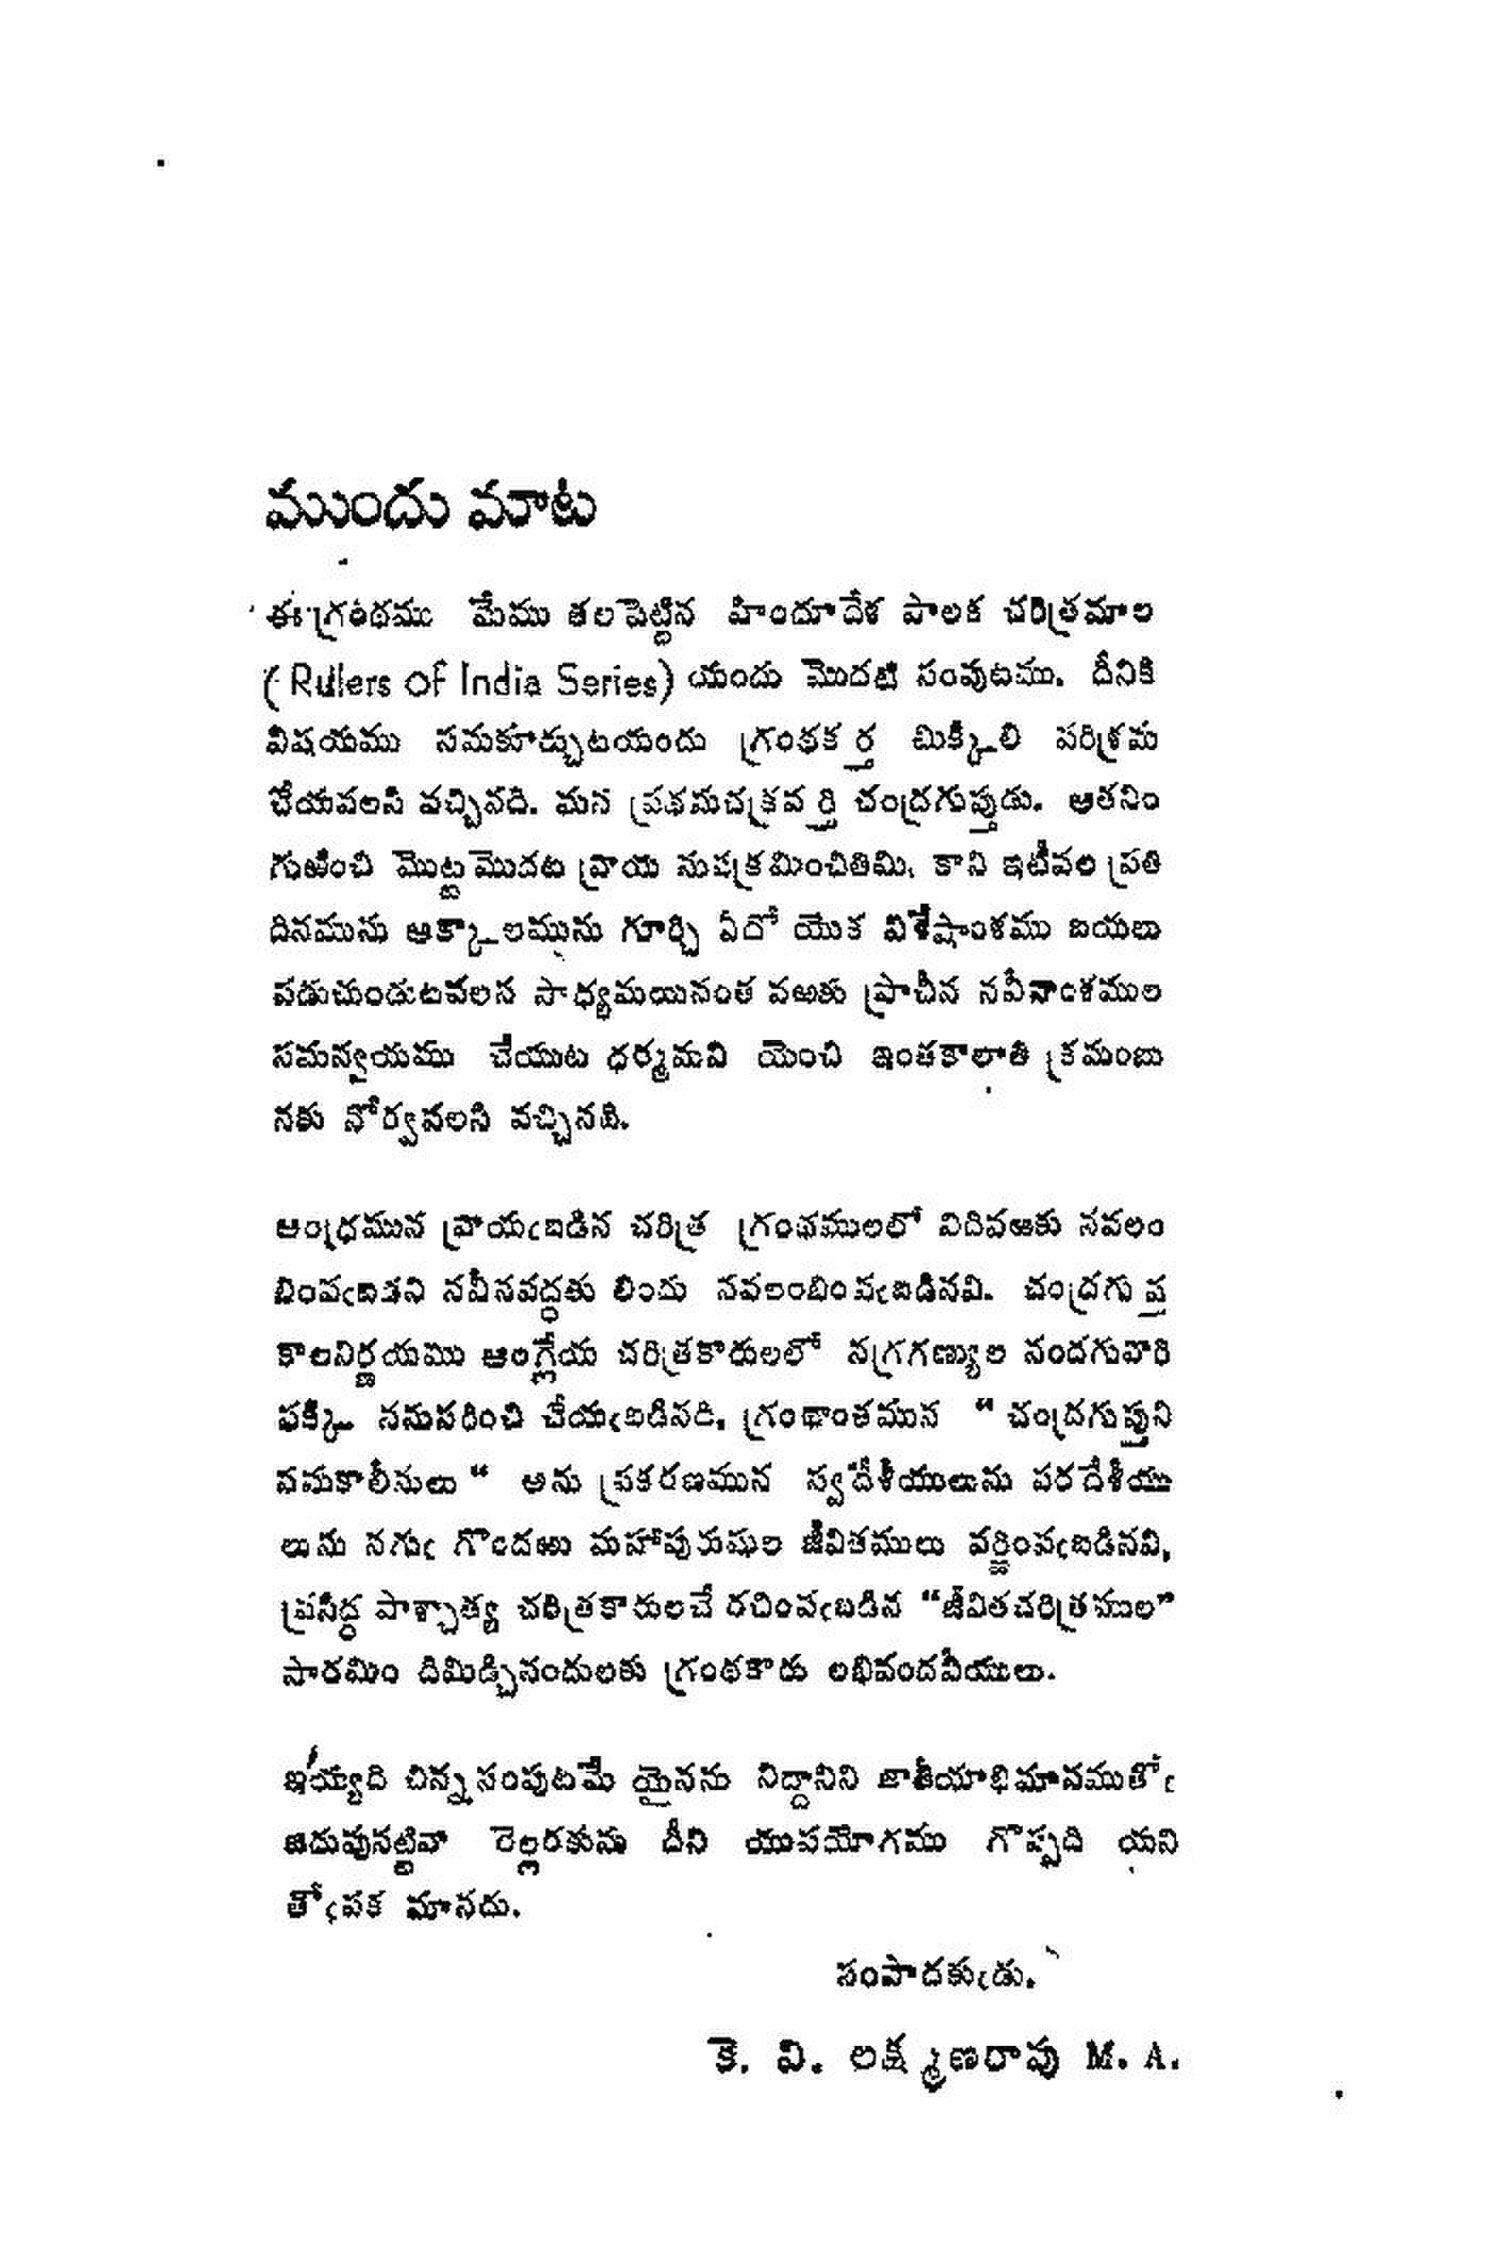ముందు మాట

ఈ గ్రంథము మేము తలపెట్టిన హిందూదేశ పాలక చరిత్రమాల (Rullers of India Series) యందు మొదటి సంపుటము. దీనికి విషయము సమకూర్చుటయందు గ్రంథకర్త మిక్కిలి పరిశ్రమ చేయవలసి వచ్చినది. మన ప్రథమచక్రవర్తి చంద్రగుప్తుడు. ఆతనిం గుఱించి మొట్ట మొదట వ్రాయ నుపక్రమించితిమి. కాని ఇటీవల ప్రతి దినమును అక్కాలమును గూర్చి ఏదో యొక విశేషాంశము బయలు పడుచుండుటవలన సాధ్యమయినంత వఱకు ప్రాచీన నవీనాంశముల సమన్వయము చేయుట ధర్మమని యెంచి ఇంతకాలాతి క్రమంబునకు నోర్వవలసి వచ్చినది.

ఆంధ్రమున వ్రాయఁబడిన చరిత్ర గ్రంథములలో నిదివఱకు నవలంబింపఁబడని నవీనపద్ధతు లిందు నవలంబింపఁబడినవి. చంద్రగుప్త కాలనిర్ణయము ఆంగ్లేయ చరిత్రకారులలో నగ్రగణ్యుల నందగువారి ఫక్కి ననుసరించి చేయఁబడినది. గ్రంథాంతమున "చంద్రగుప్తుని సమకాలీనులు" అను ప్రకరణమున స్వదేశీయులును పరదేశీయులును నగుఁ గొందఱు మహాపురుషుల జీవితములు వర్ణింపఁబడినవి. ప్రసిద్ధ పాశ్చాత్య చరిత్రకారులచే రచింపఁబడిన "జీవితచరిత్రముల" సారమిం దిమిడ్చినందులకు గ్రంథకారు లభివందనీయులు.

ఇయ్యది చిన్న సంపుటమే యైనను నిద్దానిని జాతీయాభిమానముతోఁ జదువునట్టివా రెల్లరకును దీని యుపయోగము గొప్పది యని తోఁపక మానదు.